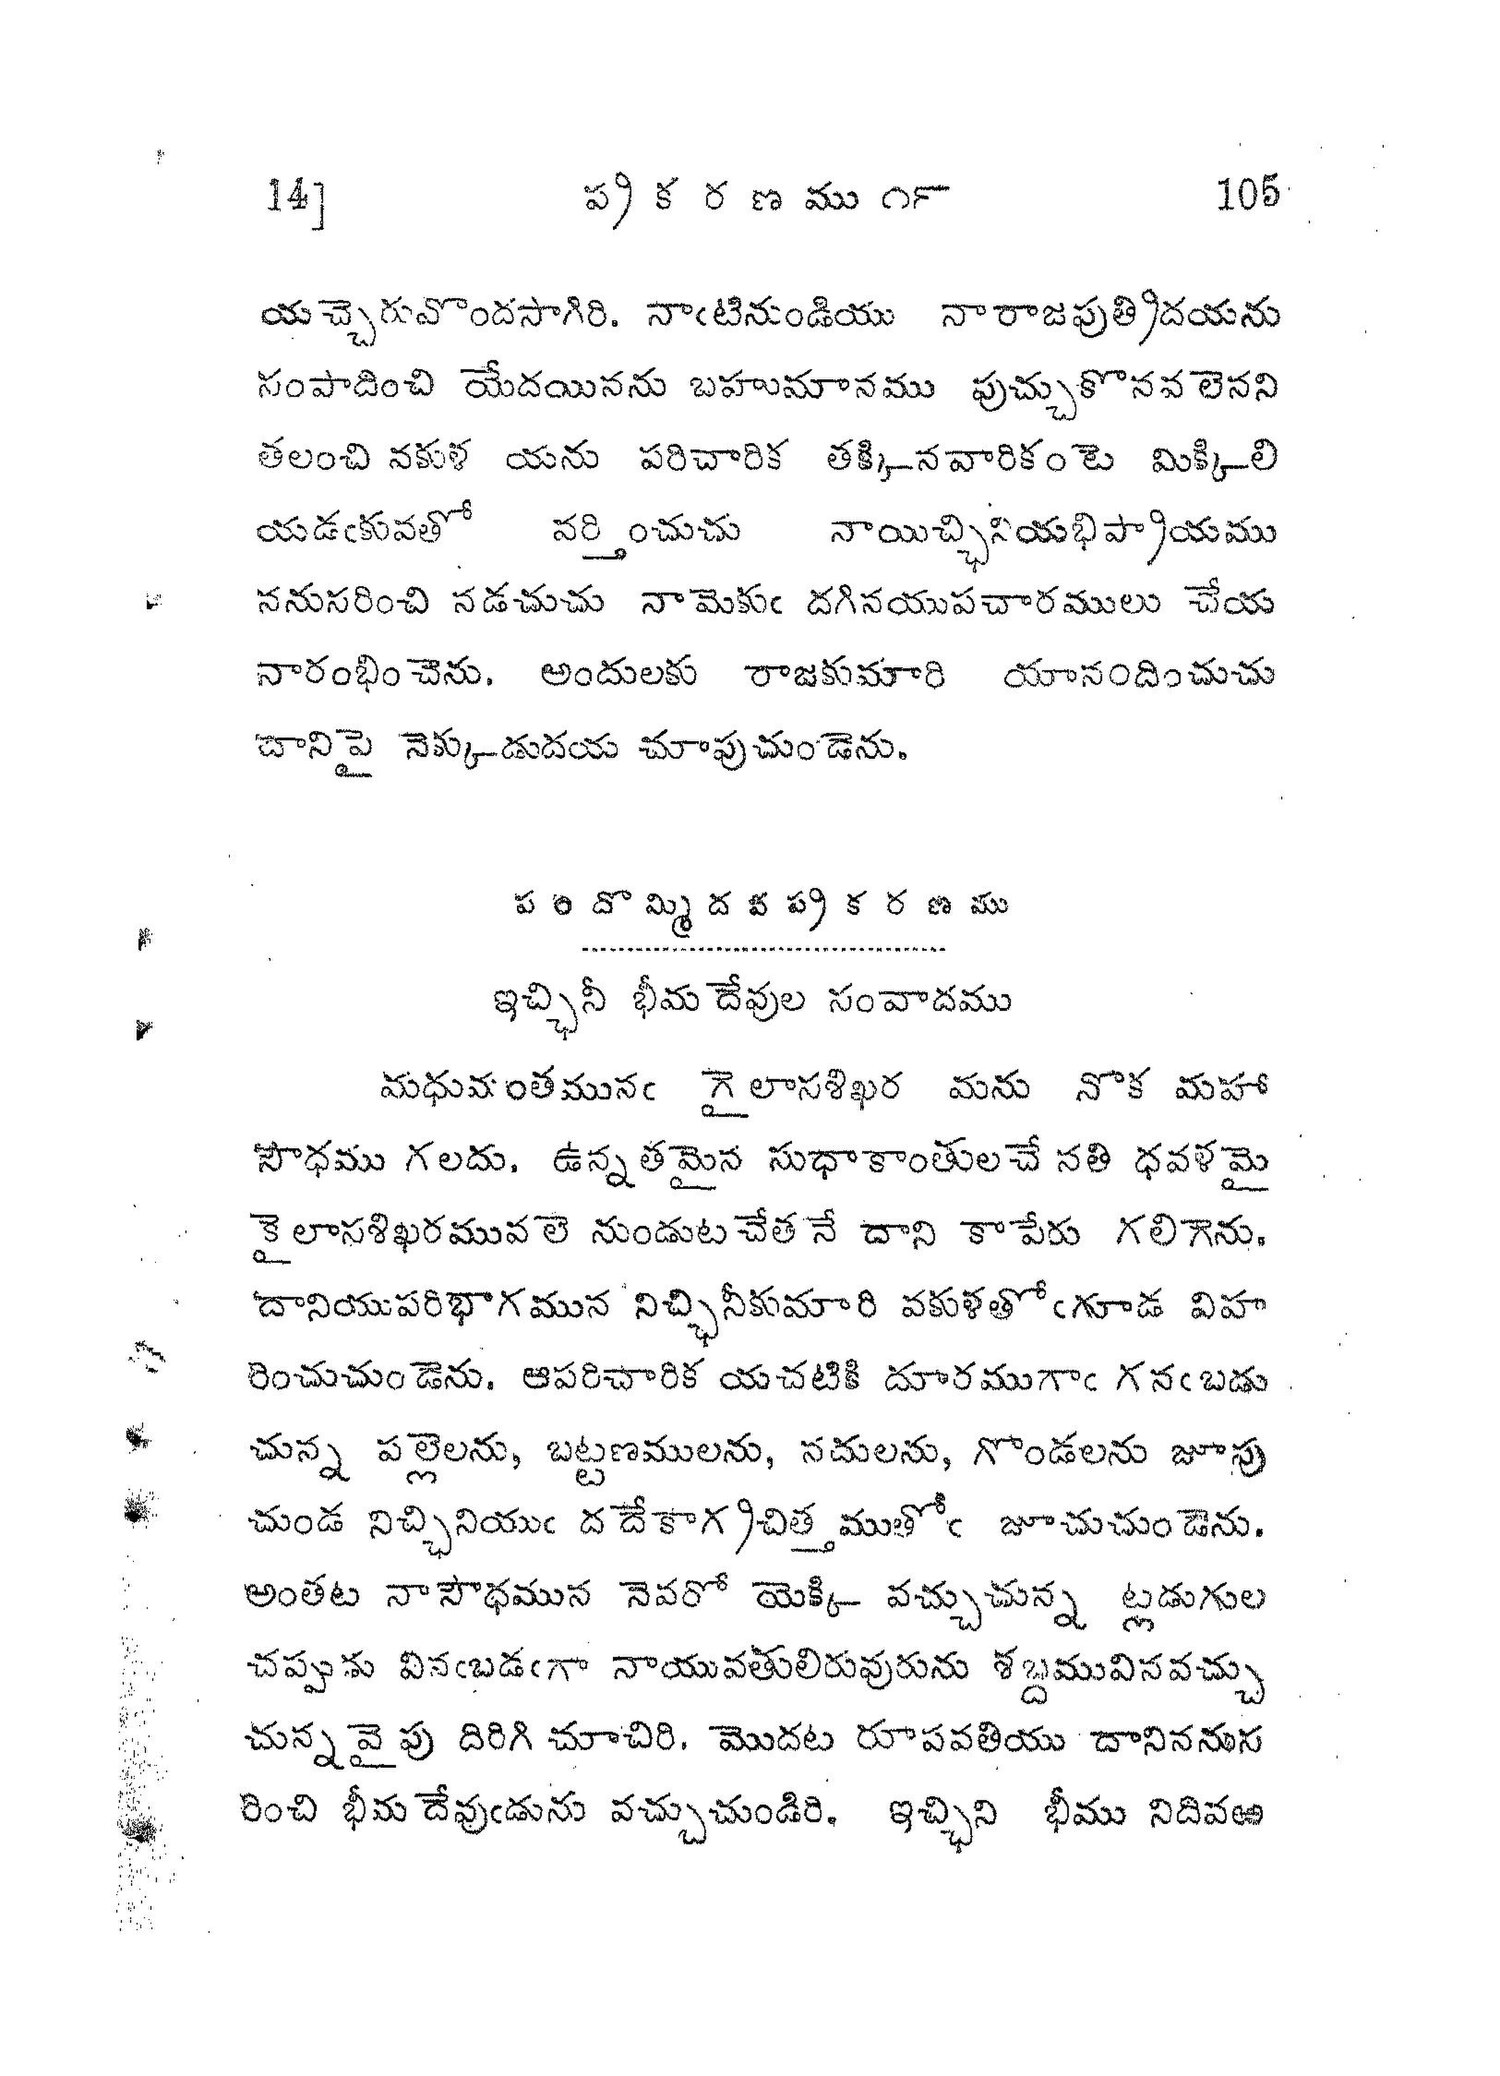యచ్చెరు వొందసాగిరి. నాఁటినుండియు నారాజపుత్రి దయను సంపాదించి యేదయినను బహుమానము పుచ్చుకొనవలెనని తలంచి నకుళ యను పరిచారిక తక్కినవారికంటె మిక్కిలి యడఁకువతో నర్తించుచు నాయిచ్చిని యభిప్రాయము ననుసరించి నడచుచు నామెకుఁ దగినయుపచారములు చేయ నారంభించెను, అందులకు రాజకుమారి యానందించుచు 'దానిపై నెక్కుడుదయ చూపుచుండెను,

మధువంతమునఁ గైలాసశిఖర మను నొక మహా సౌధము గలదు, ఉన్నతమైన సుధాకాంతుల చే సతి ధవళమై కైలాసశిఖరమువలె నుండుట చేతనే దానికా పేరు గలిగెను. దానియు పరిభాగమున నిచ్ఛినీకుమారి వకుళతోఁగూడ విహ రెంచుచుండెను. ఆ పరిచారిక యచటికీ దూరముగాఁ గనఁబడు చున్న పల్లెలను, బట్టణములను, నదులను, గోండలను జూపు చుండ నిచ్ఛినియుఁ దదేకాగ్రచిత్త ముళోఁ జూచుచుండెను. అంతట నా సౌధమున నెవరో యెక్కి వచ్చుచున్న ట్లడుగుల చప్పుడు వినఁబడఁగా నాయువతులిరువురును శబ్దము వినవచ్చు చున్న వైపు దిరిగి చూచిరి. మొదట రూపవతియు దానిననుస రించి భీమ దేవుఁడును వచ్చుచుండిరి. ఇచ్చిని భీము నిదివటి